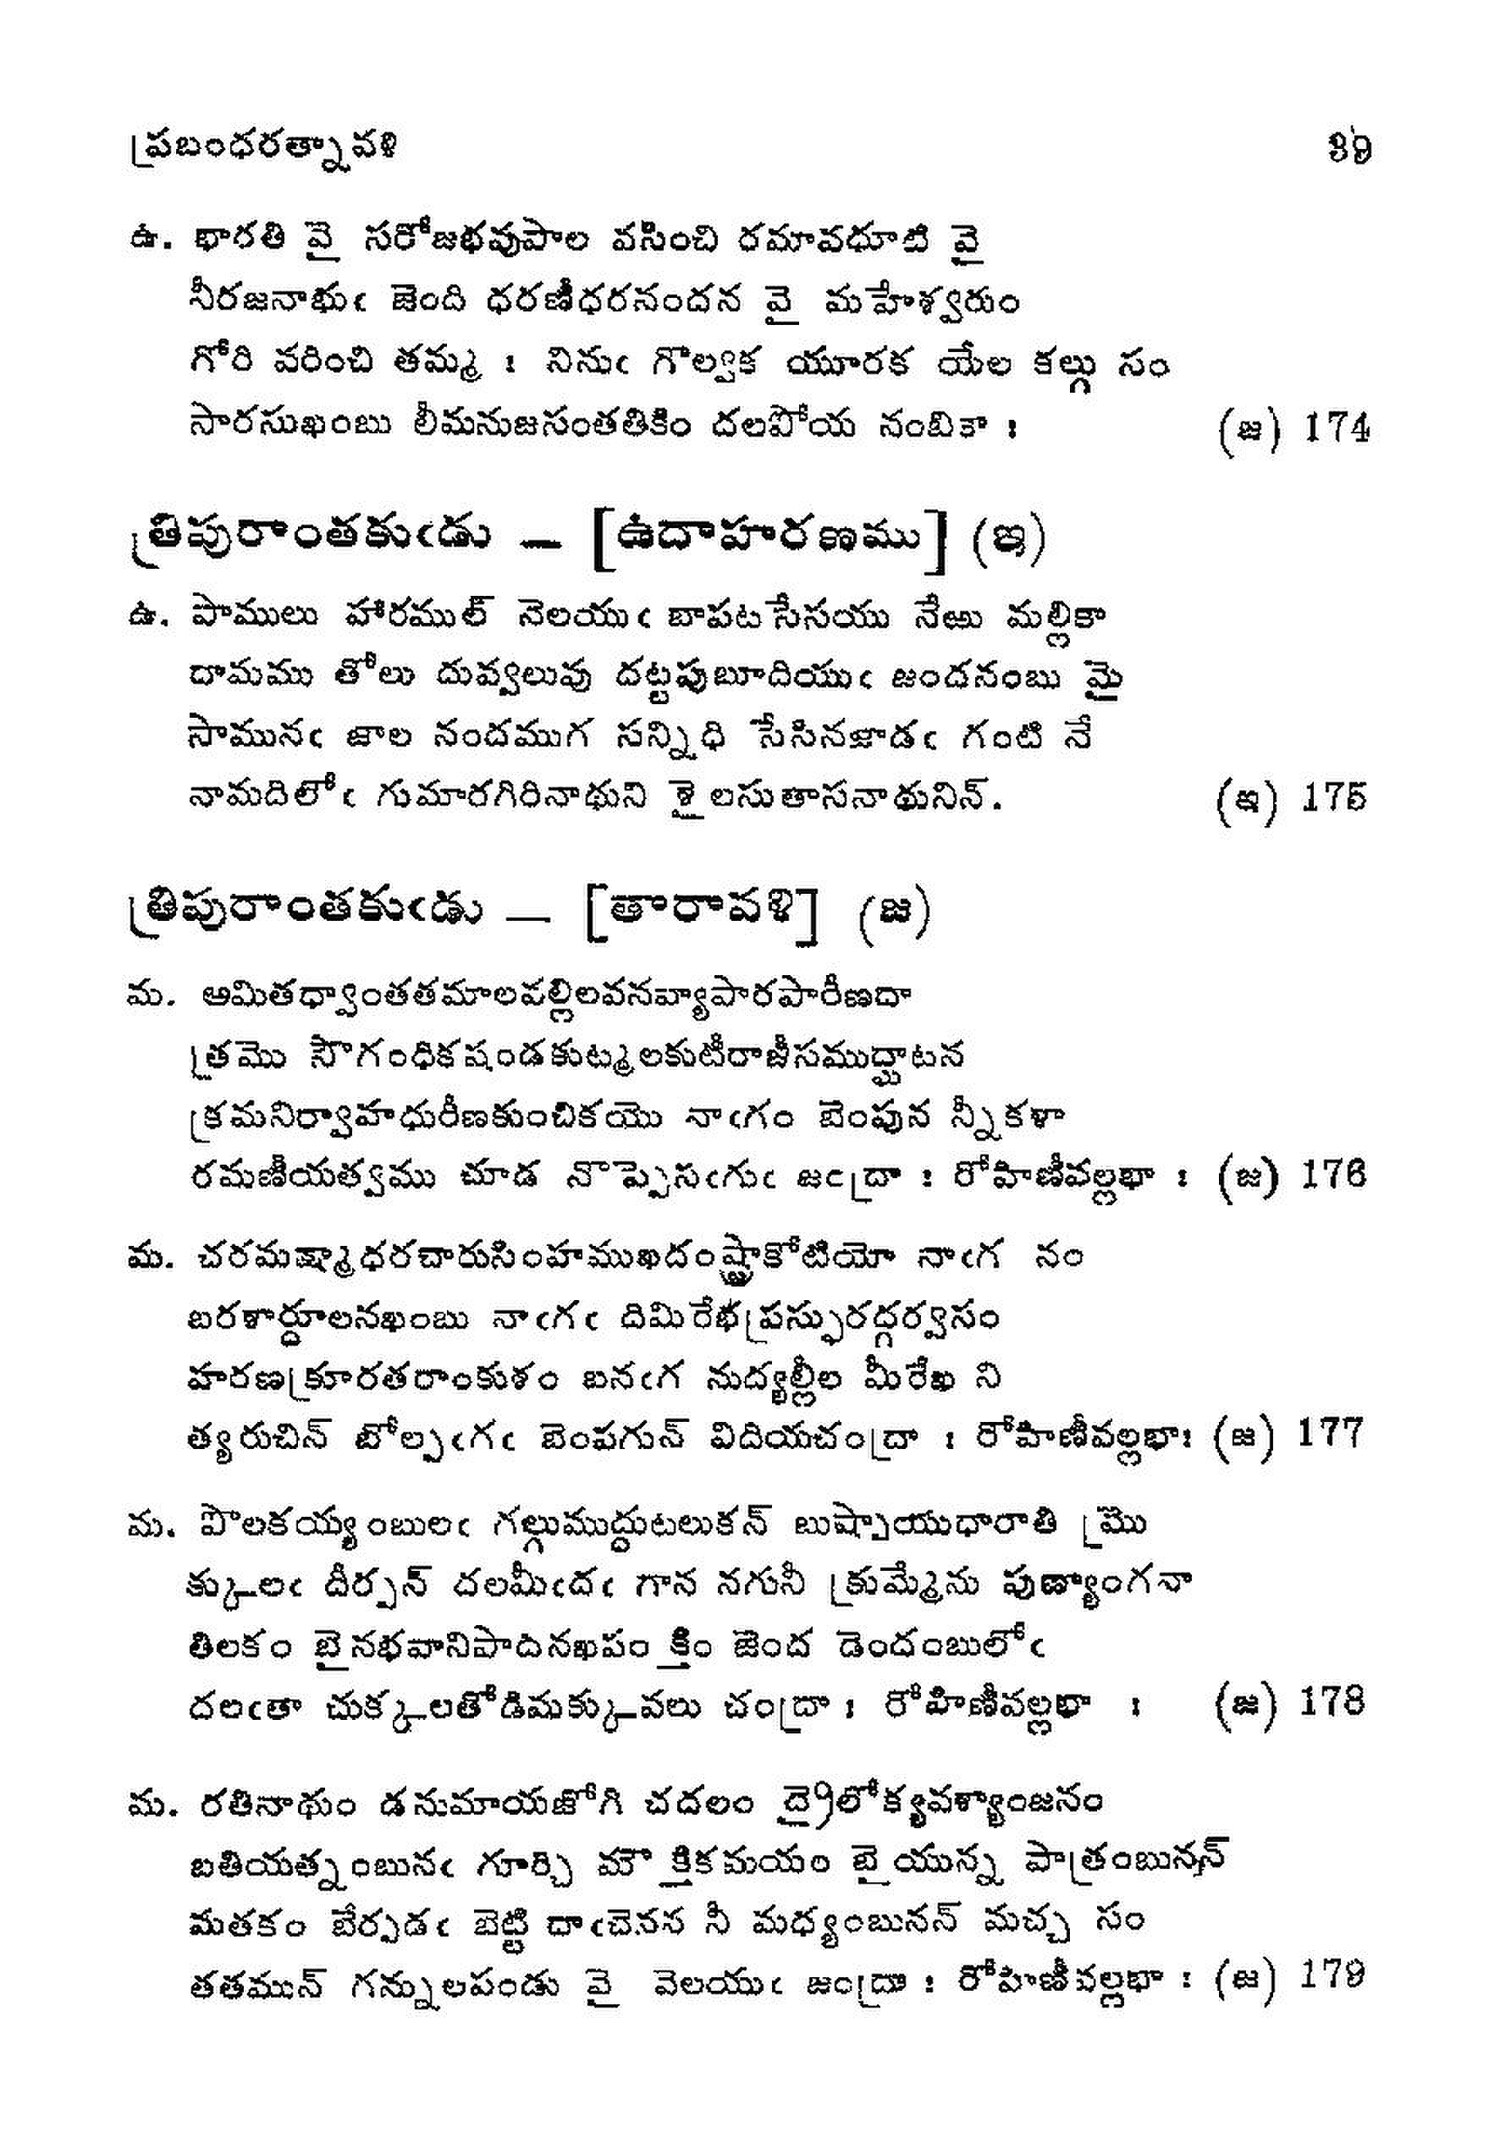ఉ. భారతివై సరోజభవుపాల వసించి రమావధూటివై
నీరజనాభుఁ జెంది ధరణీధరనందనవై మహేశ్వరుం
గోరి వరించితమ్మ! నినుఁ గొల్వక యూరక యేల కల్గు సం
సారసుఖంబు లీ మనుజసంతతికిం దలపోయ నంబికా! (జ) 174

ఉ. పాములు హారముల్ నెలయుఁ బాపటసేసయు నేఱు మల్లికా
దామము తోలు దువ్వలువు దట్టపుబూదియుఁ జందనంబు మై
సామునఁ జాల నందముగ సన్నిధి సేసిన జాడఁగంటి నే
నా మదిలోఁ గుమారగిరినాథుని శైలసుతాసనాథునిన్. (జ) 175

మ. అమితధ్వాంత తమాలవల్లిలవనవ్యాపారపారీణ దా
త్రమొ సౌగంధికషండకుట్మలకుటీరాజీసముద్ఘాటన
క్రమనిర్వాహధురీణకుంచికయొ నాఁగం బెంపున న్నీ కళా
రమణీయత్వము చూడ నొప్పెసఁగుఁ జంద్రా! రోహిణీ వల్లభా! (జ) 176

మ. చరమక్ష్మాధర చారుసింహముఖదంష్ట్రాకోటియో నాఁగ నం
బరశార్దూలనఖంబు నాఁగఁ దిమిరేఖప్రస్ఫురద్గర్వసం
హరణక్రూరతరాంకుశం బనఁగ నుద్యల్లీల మీ రేఖ ని
త్యరుచిన్ బోల్పఁగఁ బెంపగున్ విదియచంద్రా! రోహిణీవల్లభా!

మ. పొలకయ్యంబులఁ గల్గు ముద్దుటలుకన్ బుష్పాయుధారాతి మ్రొ
క్కులఁ దీర్పన్ దలమీఁదఁ గాన నగు నీ క్రొమ్మేను పుణ్యాంగనా
తిలకంబైన భవాని పాదనఖపంక్తిం జెంద డెందంబులో
దలఁతా చుక్కలతోడి మక్కువలు చంద్రా! రోహిణీ వల్లభా! (జ) 177

మ. రతినాథుం డను మాయజోగి చదలం ద్రైలోక్యవశ్యాంజనం
బతియత్నంబునఁ గూర్చి మౌక్తికమయంబై యున్న పాత్రంబునన్
మతకం బేర్పడఁ బెట్టి దాఁచెనన మీ మధ్యంబునన్ మచ్చ సం
తతమున్ గన్నులపండువై వెలయుఁ జంద్రా! రోహిణీవల్లభా! (జ) 178